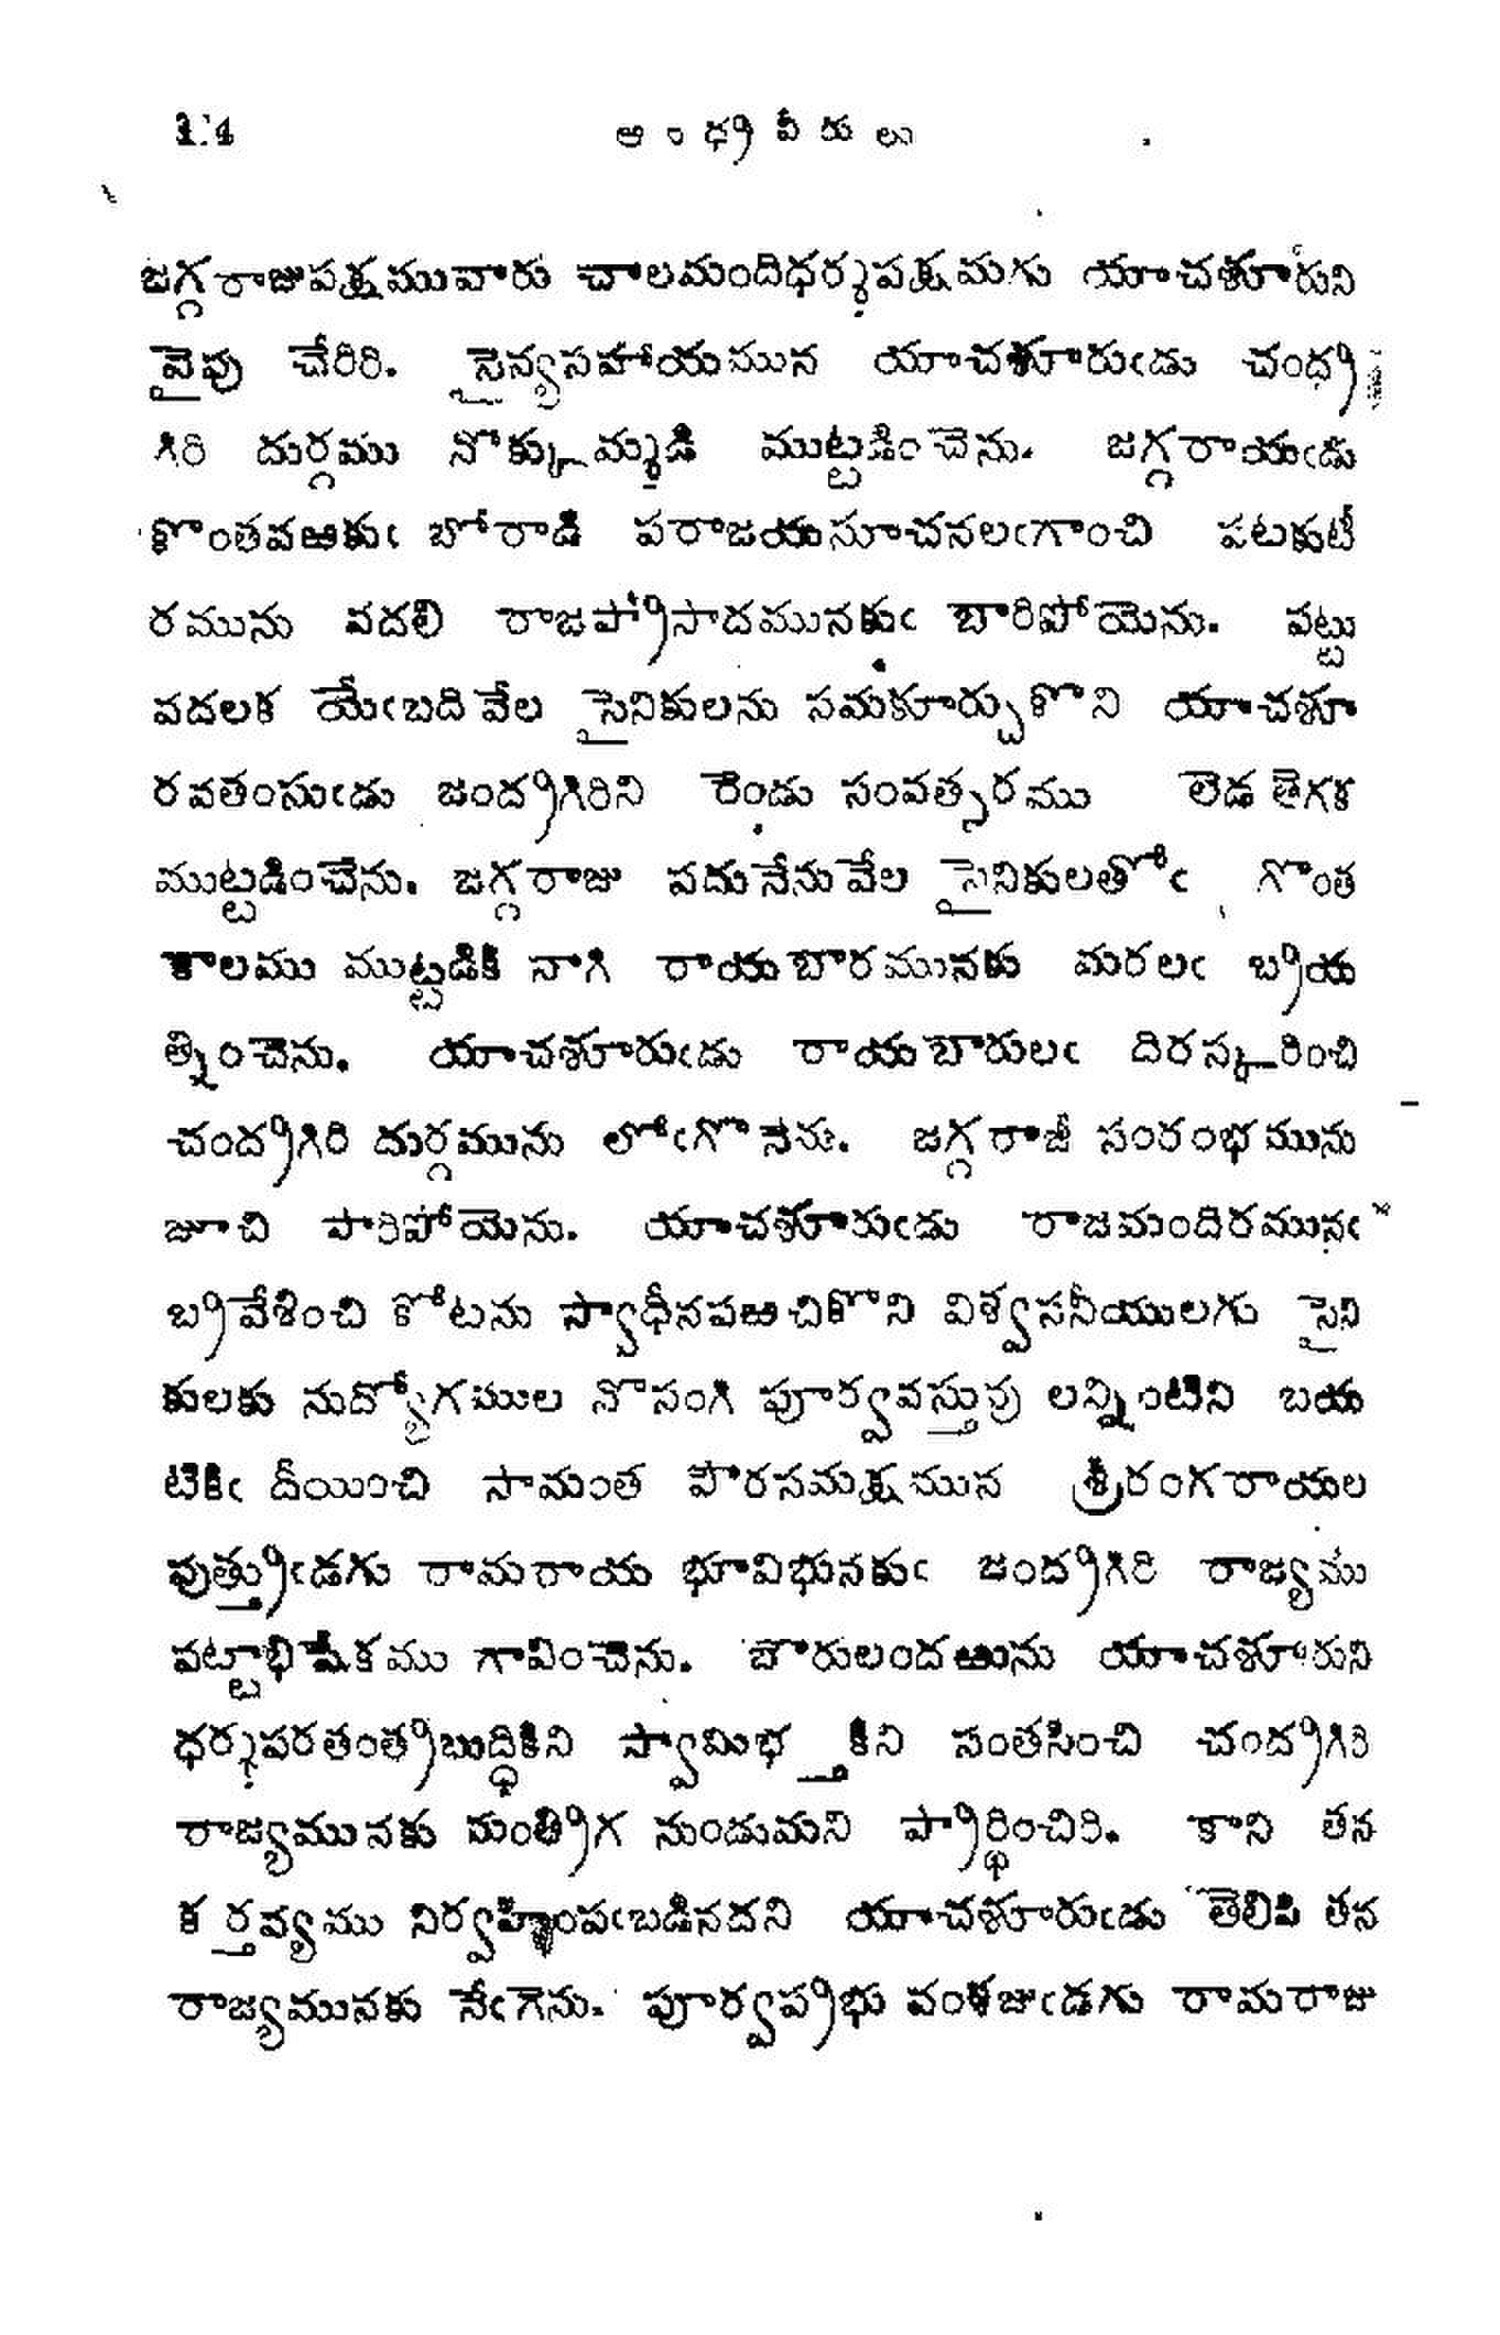జగ్గరాజుపక్షమువారు చాలమందిధర్మపక్షమగు యాచశూరుని వైపు చేరిరి. సైన్యసహాయమున యాచశూరుడు చంద్రగిరి దుర్గము నొక్కుమ్మడి ముట్టడించెను. జగ్గరాయడు కొంతవఱకు బోరాడి పరాజయసూచనలగాంచి పటకుటీరమును వదలి రాజప్రసాదమునకు బారిపోయెను. పట్టువదలక యేబదివేల సైనికులను సమకూర్చుకొని యాచశూరవతంసుడు జంద్రగిరిని రెండు సంవత్సరము లెడతెగక ముట్టడించెను. జగ్గరాజు పదునేనువేల సైనికులతో గొంతకాలము ముట్టడికి నాగి రాయబారమునకు మరల బ్రయత్నించెను. యాచశూరుడు రాయబారుల దిరస్కరించి చంద్రగిరి దుర్గమును లోగొనెను. జగ్గరాజీ సంరంభమును జూచి పారిపోయెను. యాచశూరుడు రాజమందిరమున బ్రవేశించి కోటను స్వాధీనపఱచికొని విశ్వసనీయులగు సైనికులకు నుద్యోగములు నొసంగి పూర్వవస్తువు లన్నింటిని బయటికి దీయించి సామంత పౌరసమక్షమున శ్రీరంగరాయల పుత్రుడగు రామరాయ భూవిభునకు జంద్రగిరి రాజ్యము పట్టాభిషేకము గావించెను. బౌరులందఱును యాచశూరుని ధర్మపరతంత్రబుద్ధికిని స్వామిభక్తిని సంతసించి చంద్రగిరి రాజ్యమునకు మంత్రిగ నుండుమని ప్రార్థించిరి. కాని తన కర్తవ్యము నిర్వహింపబడినదని యాచశూరుదు తెలిపి తన రాజ్యమునకు నేగెను. పూర్వప్రభు వంశజుడగు రామరాజు